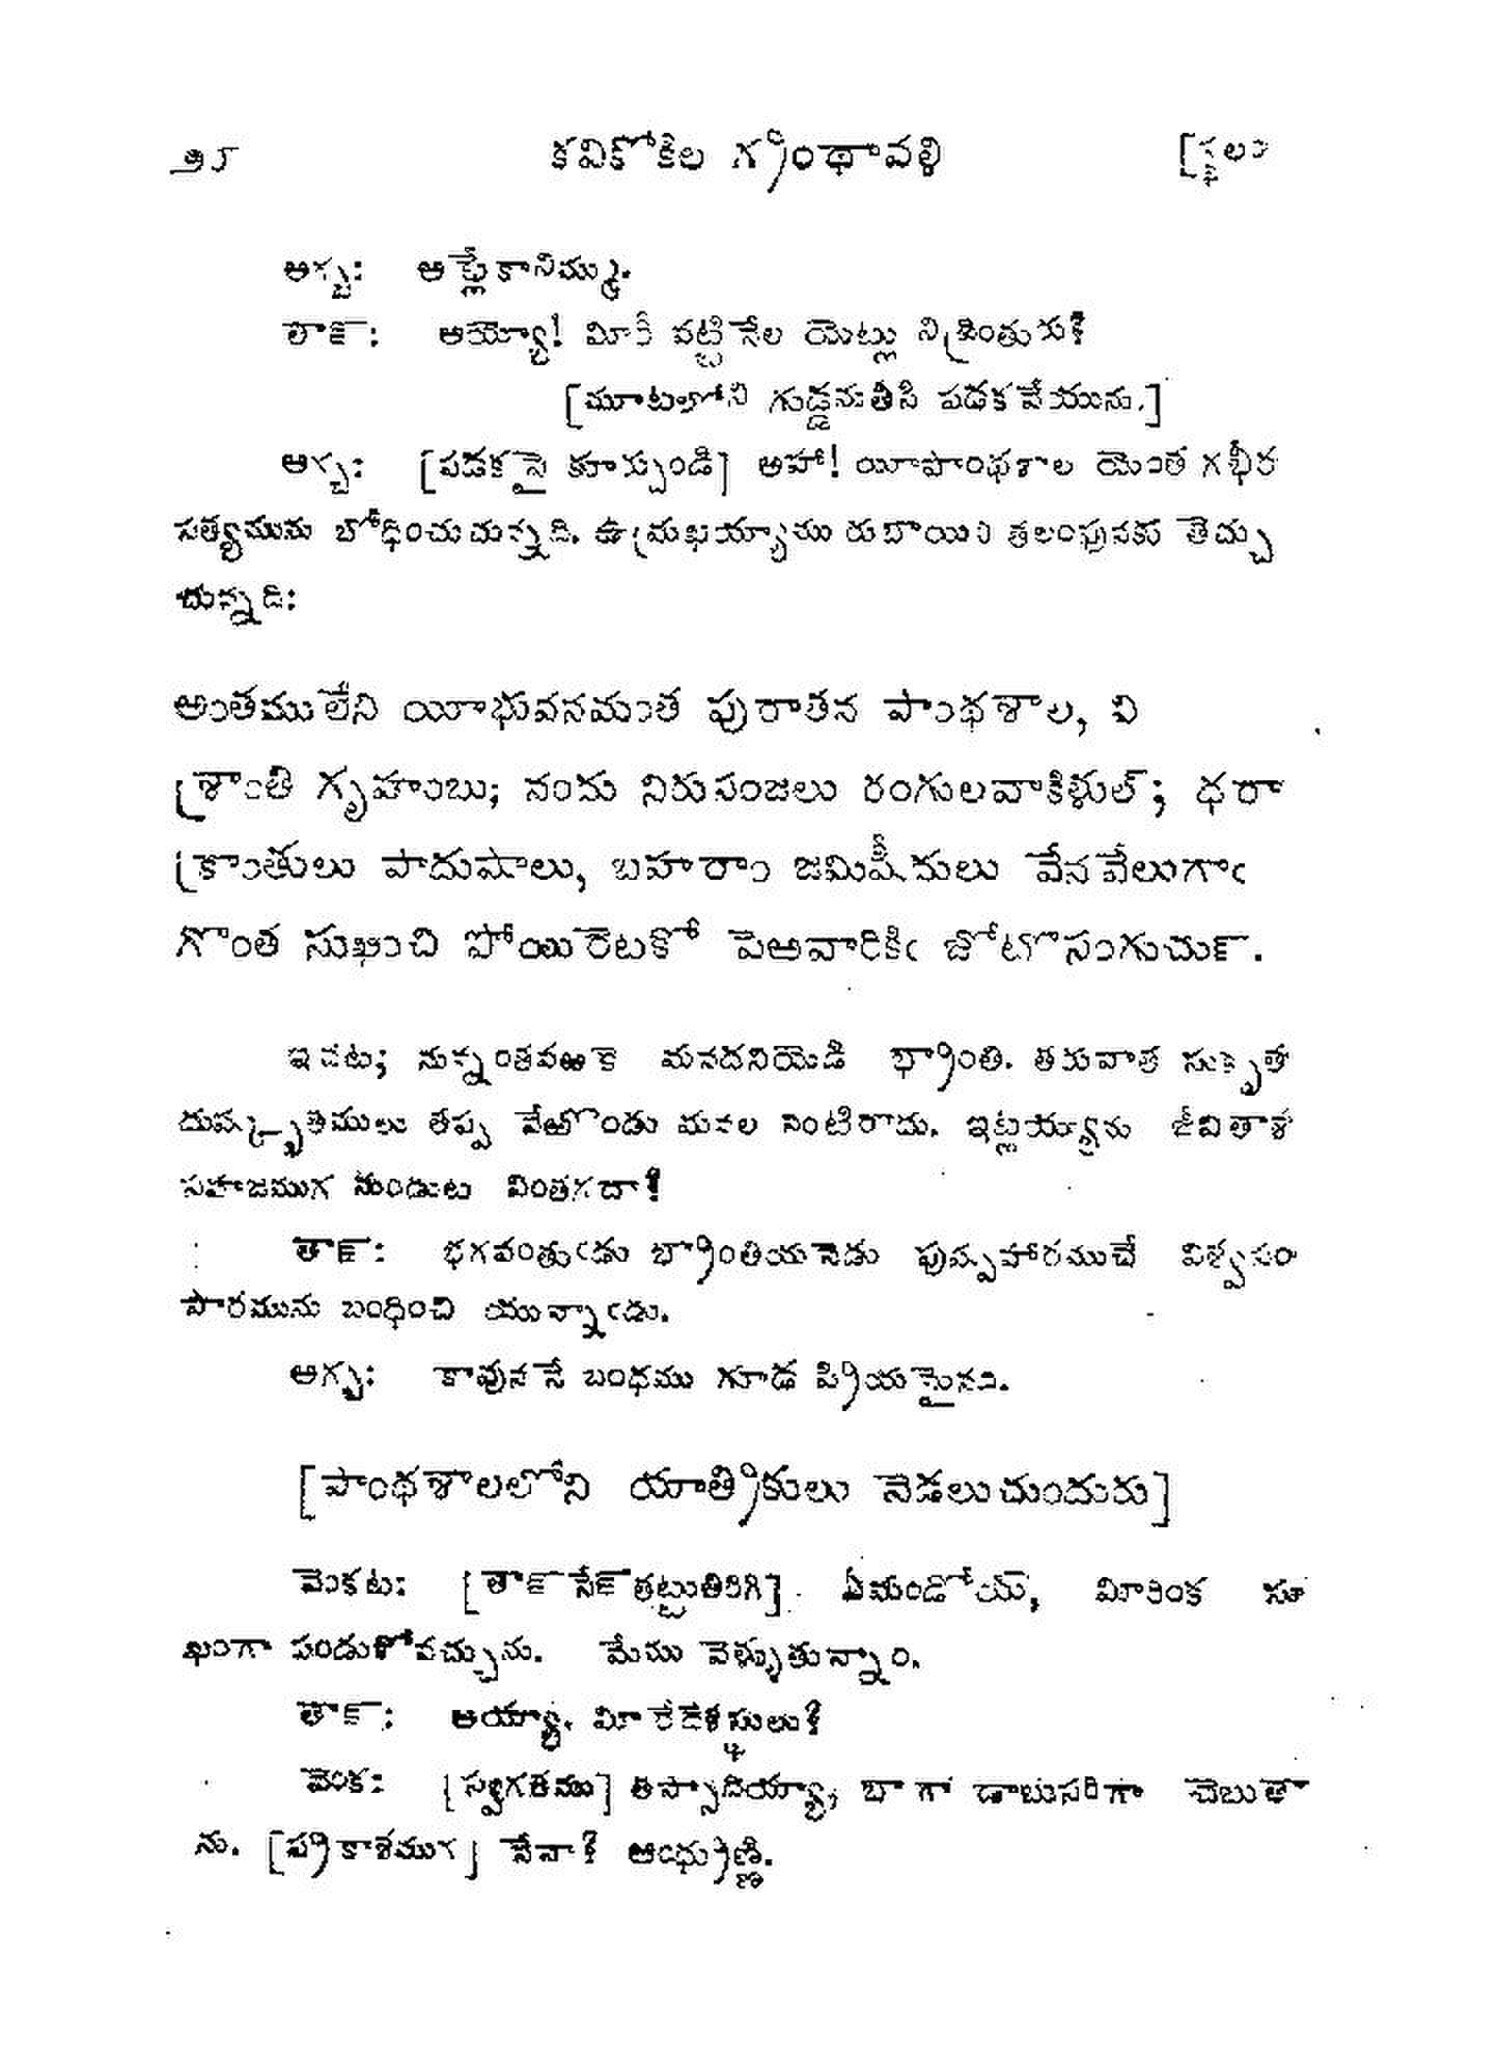అగ్బ : అట్లేకానిమ్ము.

తాన్ : అయ్యో! మీరీ వట్టినేల యెట్లు నిద్రింతురు ?

అగ్బ : [పడకపై కూర్చుండి] ఆహా ! యీపాంథశాల యెంత గభీర సత్యమును బోధించుచున్నది. ఉమ్రఖయ్యాము రుబాయిని తలంపునకు తెచ్చు చున్నది.

 అంతములేని యీభువనమంత పురాతన పాంథశాల, వి
 శ్రాంతి గృహంబు; నందు నిరుసంజలు రంగులవాకిళుల్; ధరా
 క్రాంతులు పాదుషాలు, బహరాం జమిషీదులు వేనవేలుగాఁ
 గొంత సుఖించి పోయిరెటకో పెఱవారికిఁ జోటొసంగుచున్.

ఇచట; నున్నంతవఱకె మనదనియెడి భ్రాంతి. తరువాత సుకృత దుష్కృతములు తప్ప వేఱొండు మనల నంటిరాదు. ఇట్లయ్యును జీవితాశ సహజముగ నుండుట వింతగదా ?

తాన్ : భగవంతుఁడు బ్రాంతియనెడు పుష్పహారముచే విశ్వసంసారమును బంధించి యున్నాఁడు.

అగ్బ : కావుననే బంధము గూడ ప్రియమైనది.

వెంకట : [తాన్‌సేన్ తట్టుతిరిగి] ఏమండోయ్, మీరింక సుఖంగా పండుకోవచ్చును. మేము వెళ్ళుతున్నాం.

తాన్ : అయ్యా. మీరేదేశస్థులు ?

వెంక : [స్వగతము] తస్సాదియ్యా, బాగా డాబుసరిగా చెబుతాను. [ప్రకాశముగ] నేనా ? ఆంధ్రుణ్ణి.